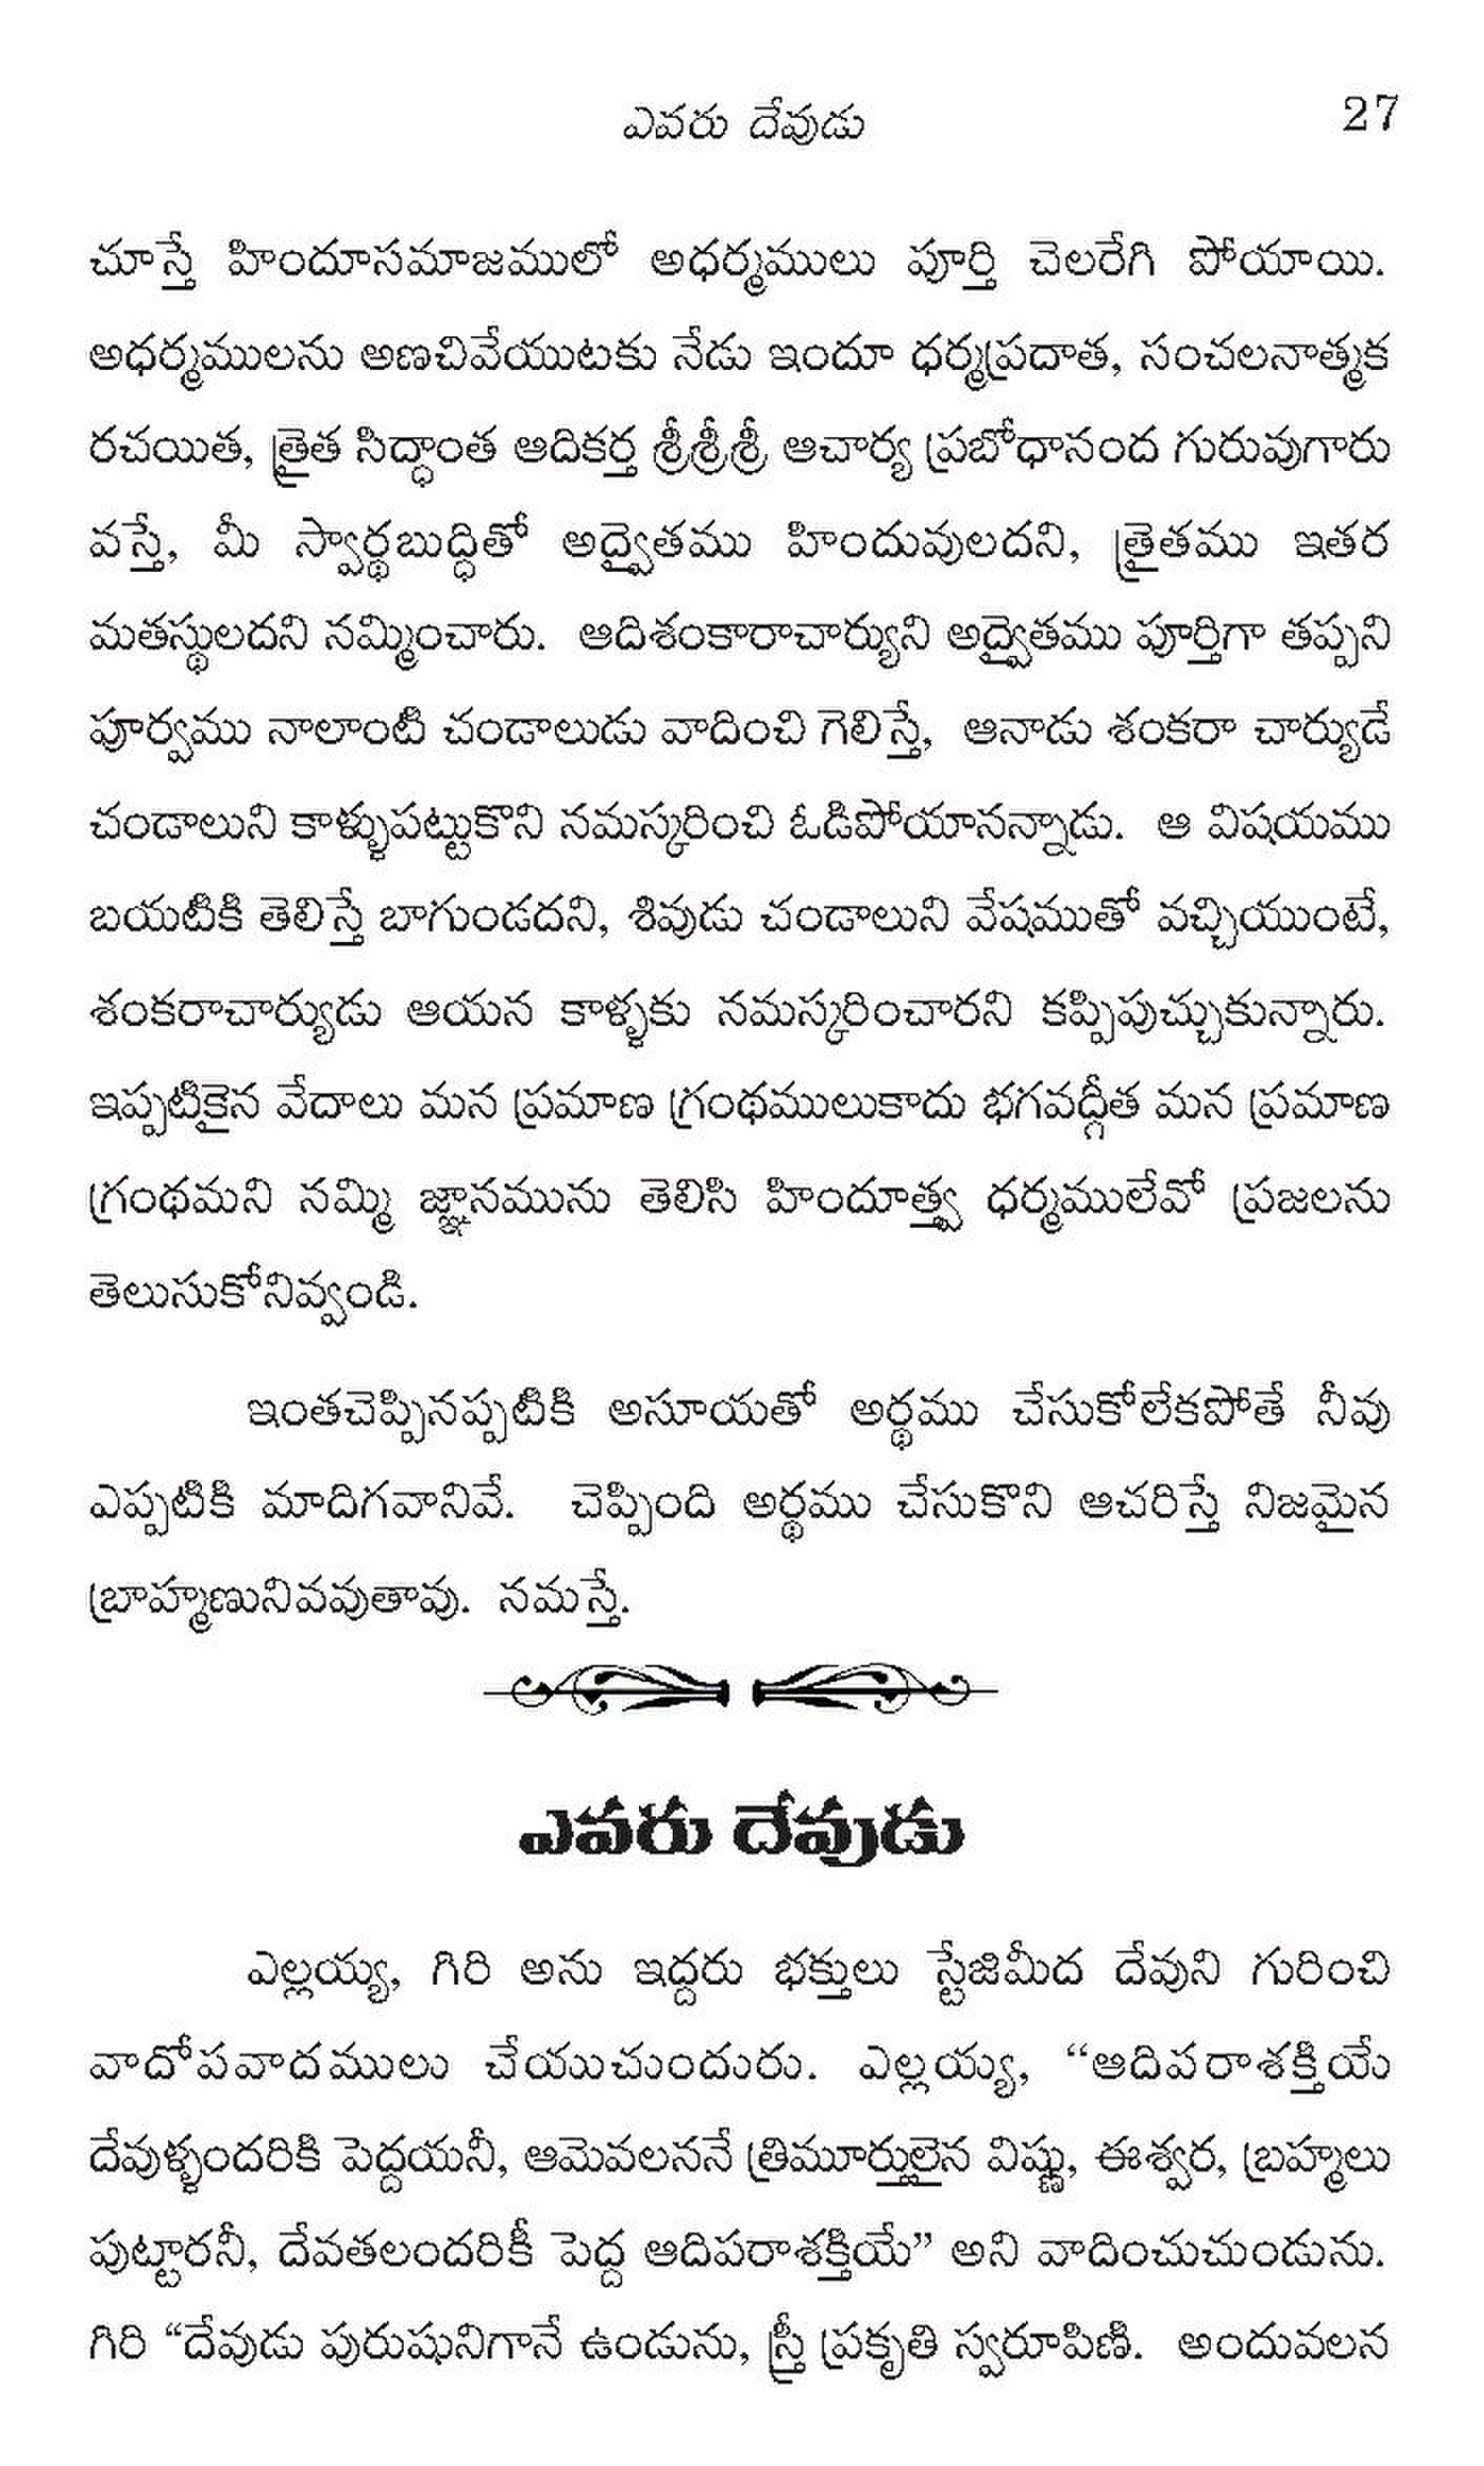చూస్తే హిందూసమాజములో అధర్మములు పూర్తి చెలరేగి పోయాయి. అధర్మములను అణచివేయుటకు నేడు ఇందూ ధర్మప్రదాత, సంచలనాత్మక రచయిత, త్రైత సిద్ధాంత ఆదికర్త శ్రీశ్రీశ్రీ ఆచార్య ప్రబోధానంద గురువుగారు వస్తే, మీ స్వార్థబుద్ధితో అద్వైతము హిందువులదని, త్రైతము ఇతర మతస్థులదని నమ్మించారు. ఆదిశంకారాచార్యుని అద్వైతము పూర్తిగా తప్పని పూర్వము నాలాంటి చండాలుడు వాదించి గెలిస్తే, ఆనాడు శంకరా చార్యుడే చండాలుని కాళ్ళుపట్టుకొని నమస్కరించి ఓడిపోయానన్నాడు. ఆ విషయము బయటికి తెలిస్తే బాగుండదని, శివుడు చండాలుని వేషముతో వచ్చియుంటే, శంకరాచార్యుడు ఆయన కాళ్ళకు నమస్కరించారని కప్పిపుచ్చుకున్నారు. ఇప్పటికైన వేదాలు మన ప్రమాణ గ్రంథములుకాదు భగవద్గీత మన ప్రమాణ గ్రంథమని నమ్మి జ్ఞానమును తెలిసి హిందూత్త్వ ధర్మములేవో ప్రజలను తెలుసుకోనివ్వండి.
	

ఇంతచెప్పినప్పటికి అసూయతో అర్థము చేసుకోలేకపోతే నీవు ఎప్పటికి మాదిగవానివే. చెప్పింది అర్థము చేసుకొని ఆచరిస్తే నిజమైన బ్రాహ్మణునివవుతావు. నమస్తే.

	
ఎల్లయ్య, గిరి అను ఇద్దరు భక్తులు స్టేజిమీద దేవుని గురించి వాదోపవాదములు చేయుచుందురు. ఎల్లయ్య, "ఆదిపరాశక్తియే దేవుళ్ళందరికి పెద్దయనీ, ఆమెవలననే త్రిమూర్తులైన విష్ణు, ఈశ్వర, బ్రహ్మలు పుట్టారనీ, దేవతలందరికీ పెద్ద ఆదిపరాశక్తియే" అని వాదించుచుండును. గిరి "దేవుడు పురుషునిగానే ఉండును, స్త్రీ ప్రకృతి స్వరూపిణి. అందువలన